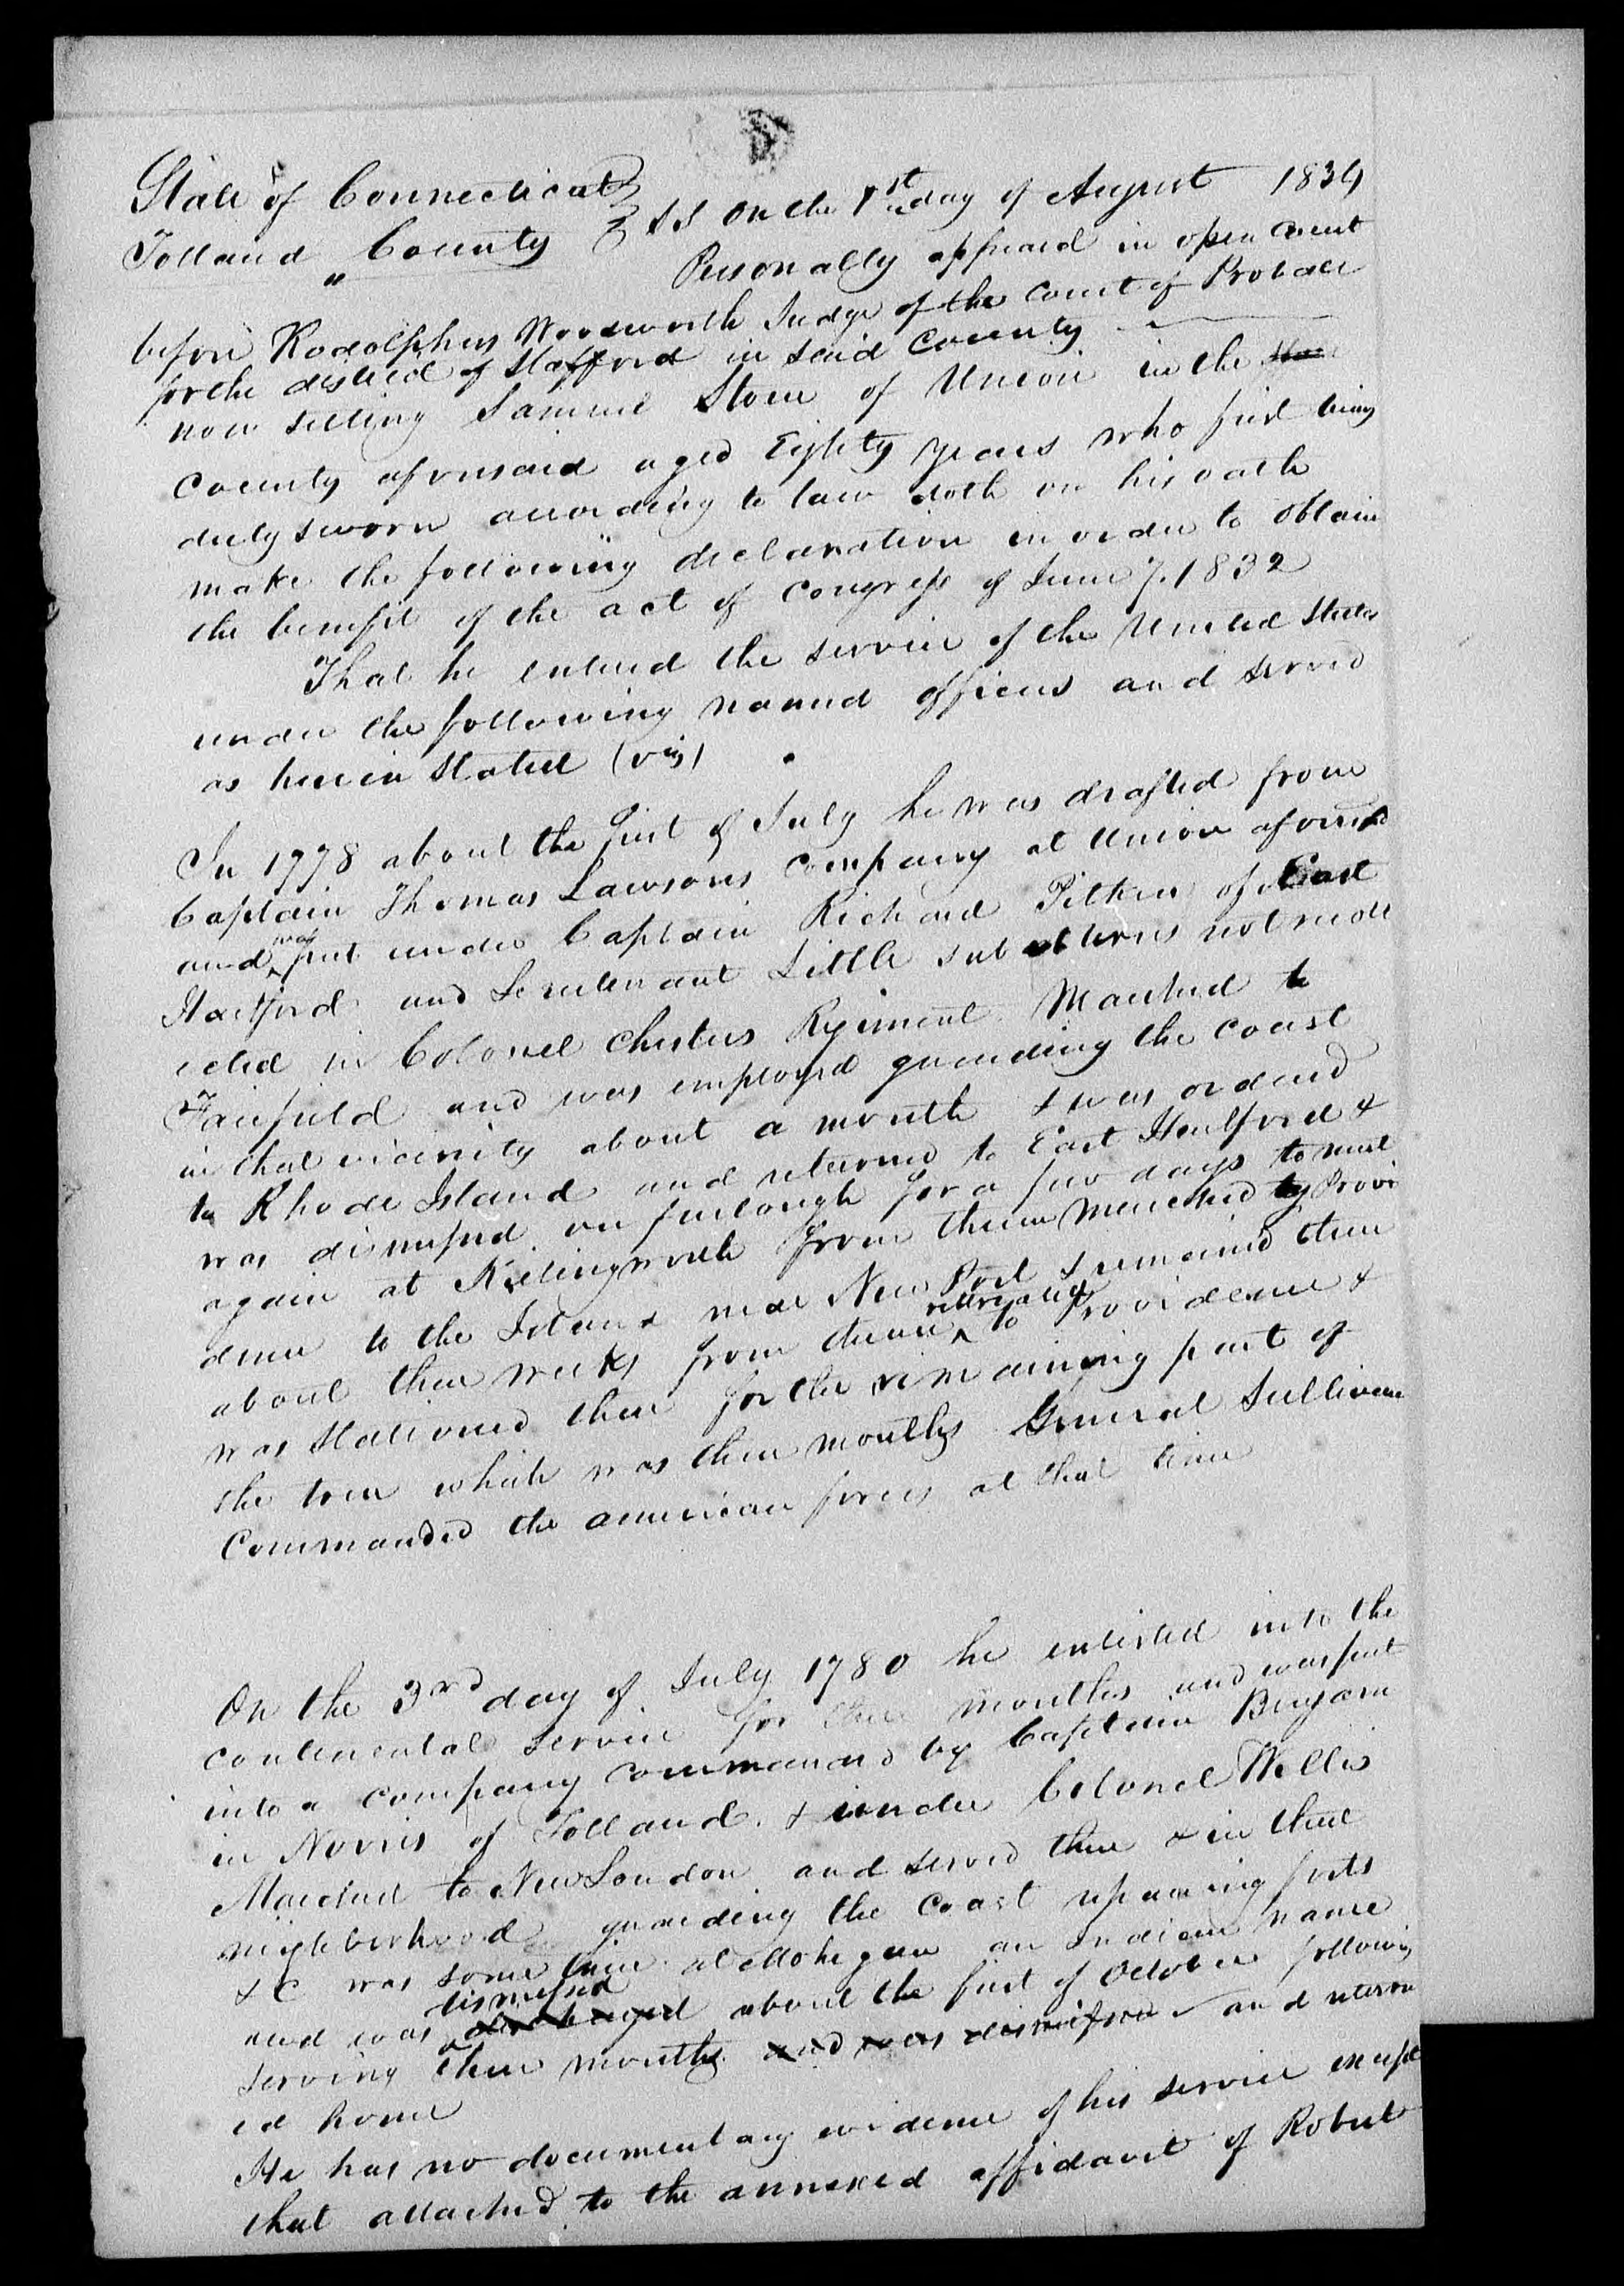State of Connecticut }
Tolland County } ss

On the 1st day of August 1834 Personally appeared in open Court before Rodolphus Woodworth Judge of the Court of Probate
for the district of Stafford in said County -
now sitting Samuel Stone of Union in the
County aforesaid aged Eighty years who first being duly sworn according to law doth on his oath make the following declaration in order to obtain the benefit of the act of Congress of June 7, 1832

That he entered the service of the United States under the following named officers and served as herein stated (viz)

In 1778 about the first of July he was drafted from Captain Thomas Lawsons Company at Union aforesaid and was put under Captain Richard Pitkin of East Hartford and Lieutenant Little [illegible] in Colonel Chesters Regiment. Marched to Fairfield and was employed guarding the coast in that vicinity about a month & was ordered to Rhode Island and returned to East Hartford & was dismissed on furlough for a few days to meet again at Killingworth from there marched by Providence to the Island near New Port. I remained there about three weeks from 
again at Kings from there [illegible] to
Providence & was stationed there for the remaining part of the tour which was three months.  General Sullivan commanded the american forces at that time. 

On the 3rd day of July 1780 he enlisted with the continental service for three months and was sent into a company commanded by Captain Brigam [Brigham] in Novis of Tolland & under Colonel Willis marched to New London and served there & in the neighborhood guarding the coast repairing forts &c was some time at Mohegan an Indian manse and was dismissed about the first of October following serving there mostly and returned home. 

He has no documentary evidence of his service except that attached to the annexed affidavit of Robert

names: Richard Pitkin; Rodolphus Woodworth; [BLANK] Little; [BLANK] Benjamin; [BLANK] Wellis; [BLANK] Sullivan; Samuel Stone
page: 7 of 10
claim: survivor's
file: S. 17,708, for Samuel Stone, Connecticut